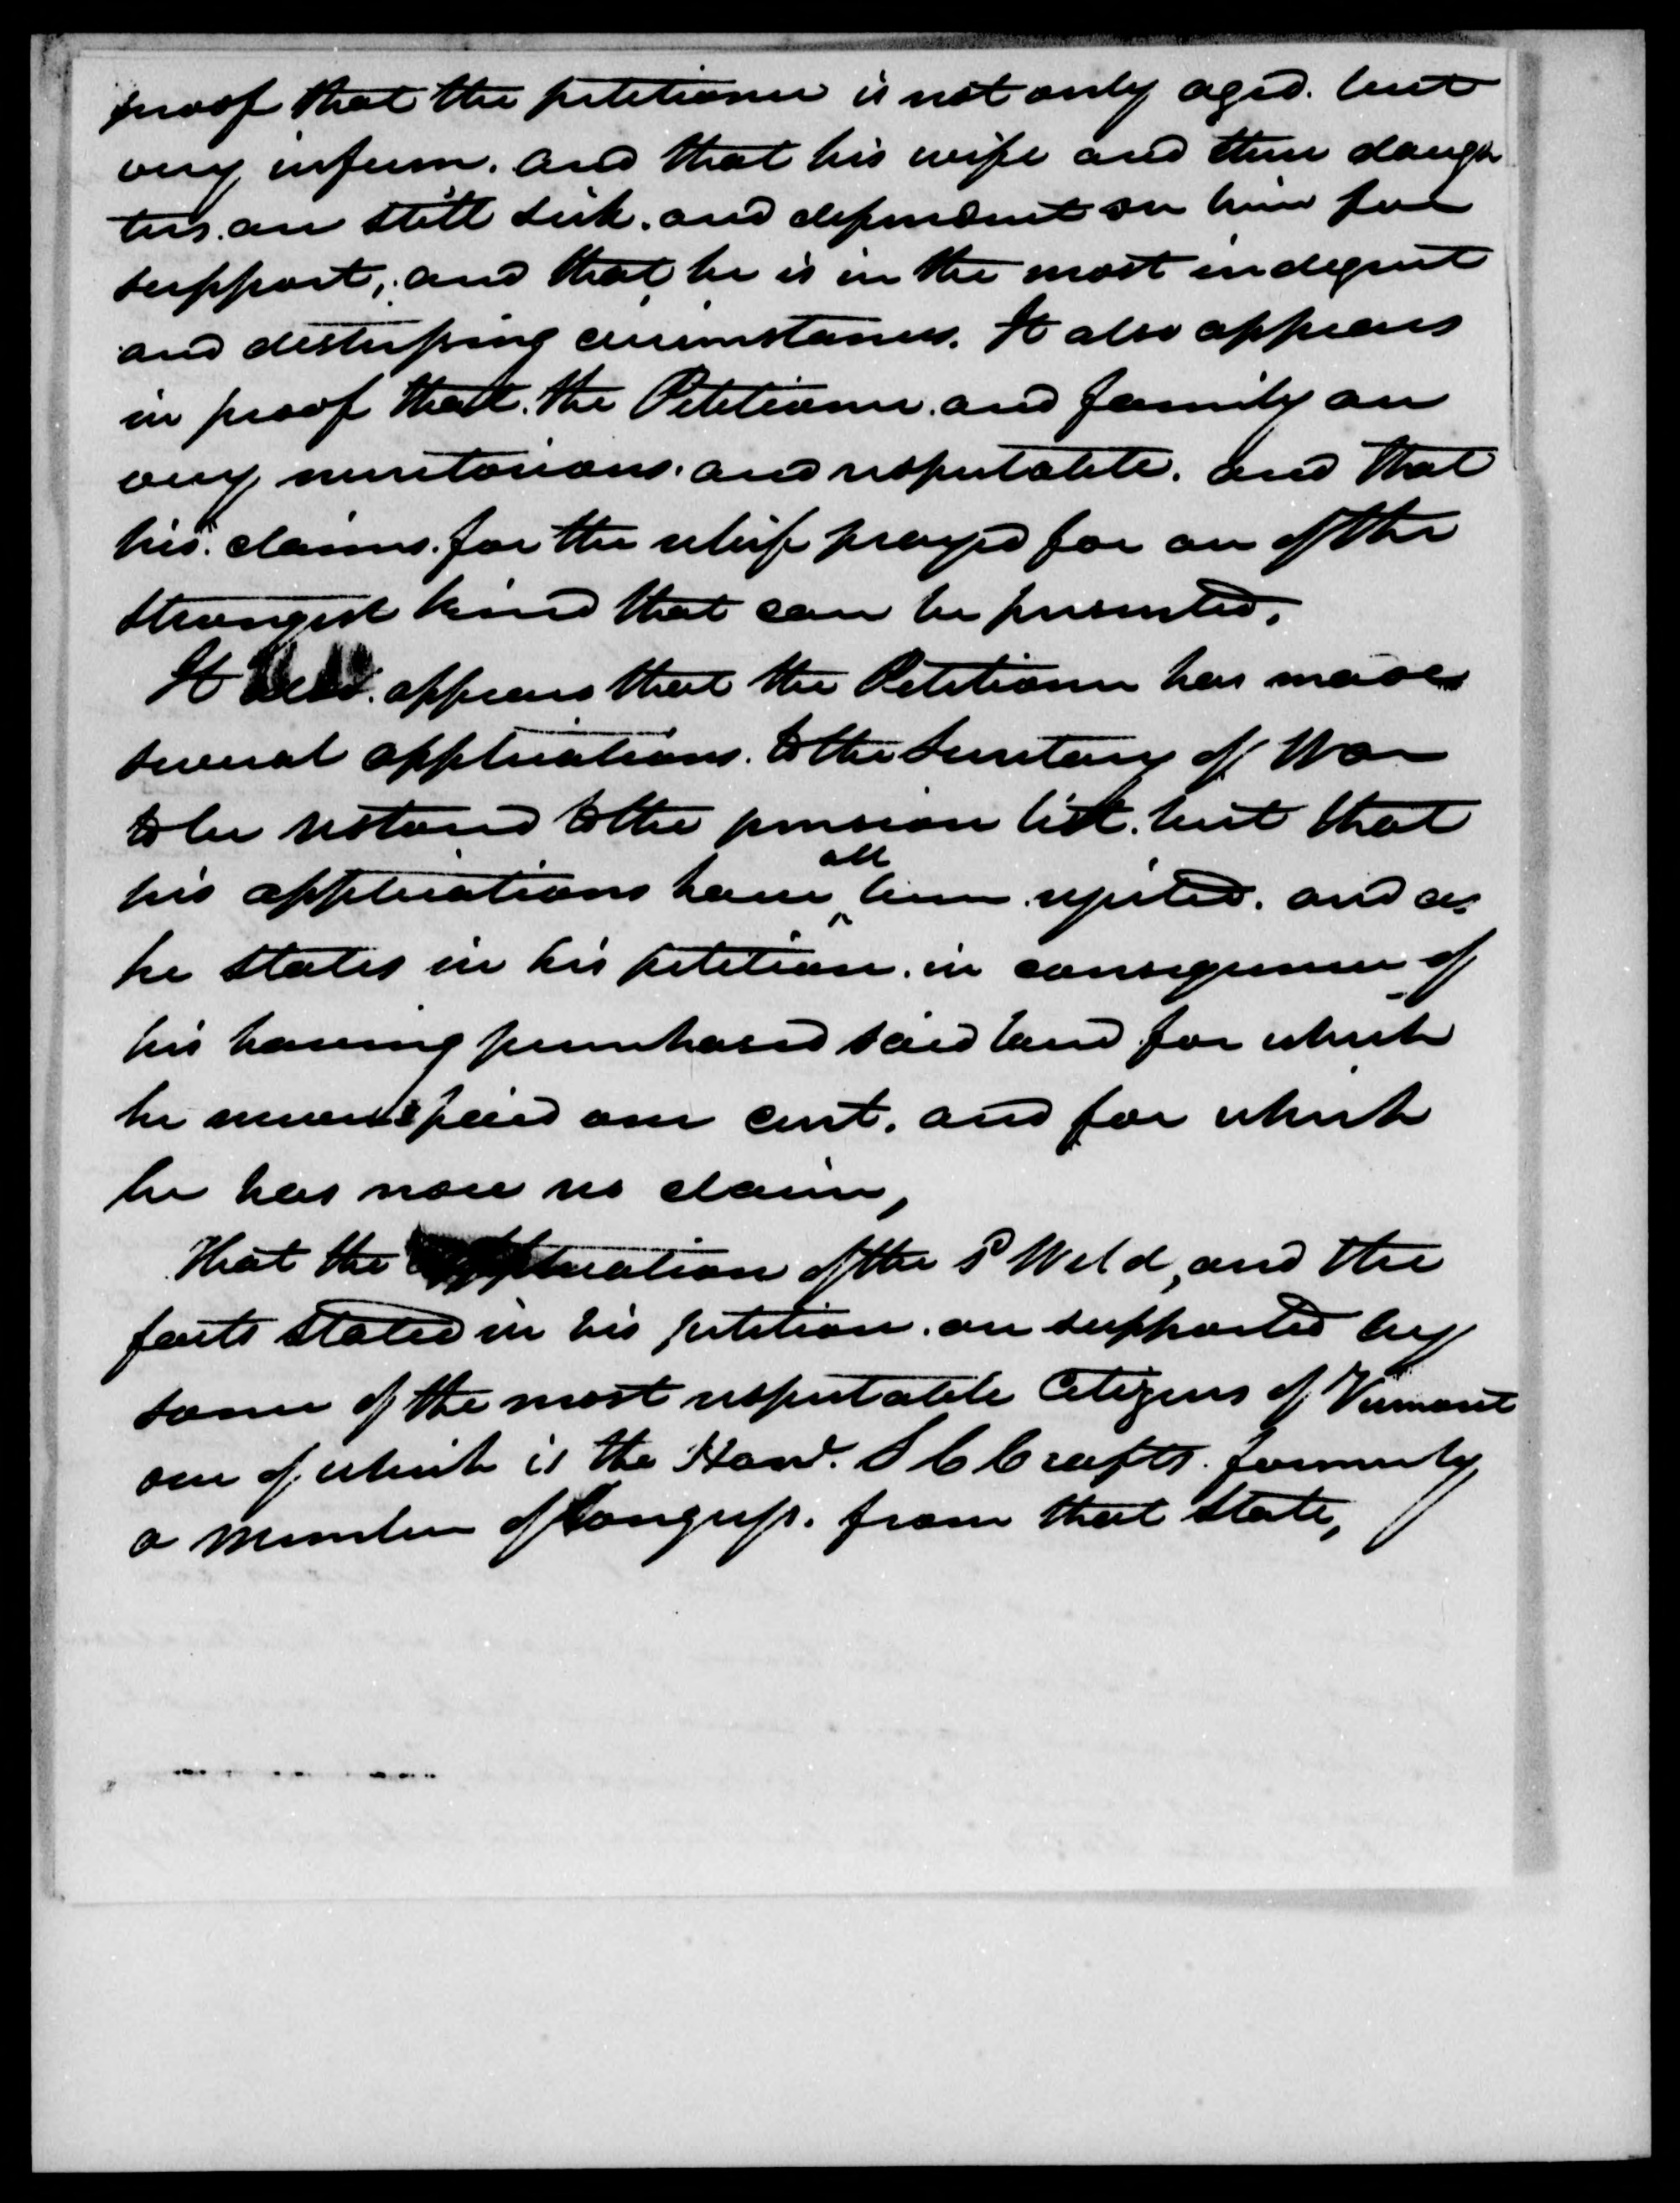proof that the petitioner  is not only aged but
very infirm, and that his wife and there daughters are still sick and dependent on him for support, and that he is in the most indigent
and distressing circumstances. It also appears
in proof that the Petitioner and family are very meritorious, and respectable, and that
his claims for the relief prayed for are of the
strangest kind that can be presented.
It [illegible] appears that the Petitioner has made several applications to the Secretary of War to be restored to the pension list but that his applications have ^all been rejected and as
he states in his petition in consequence of
his having purchased said land for which
he never[?] paid one cent, and for which
he has now no claim.
That the application of the said Weld, and the
facts stated in his petition are supported by
some of the most respectable citizens of Vermont one of which is the Hon S C Crafts 
 formerly a member of Congress from that State,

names: Weld, S C Crafts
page: 64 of 87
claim: widow's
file: W. 25,966, Moses Weld, Mass.